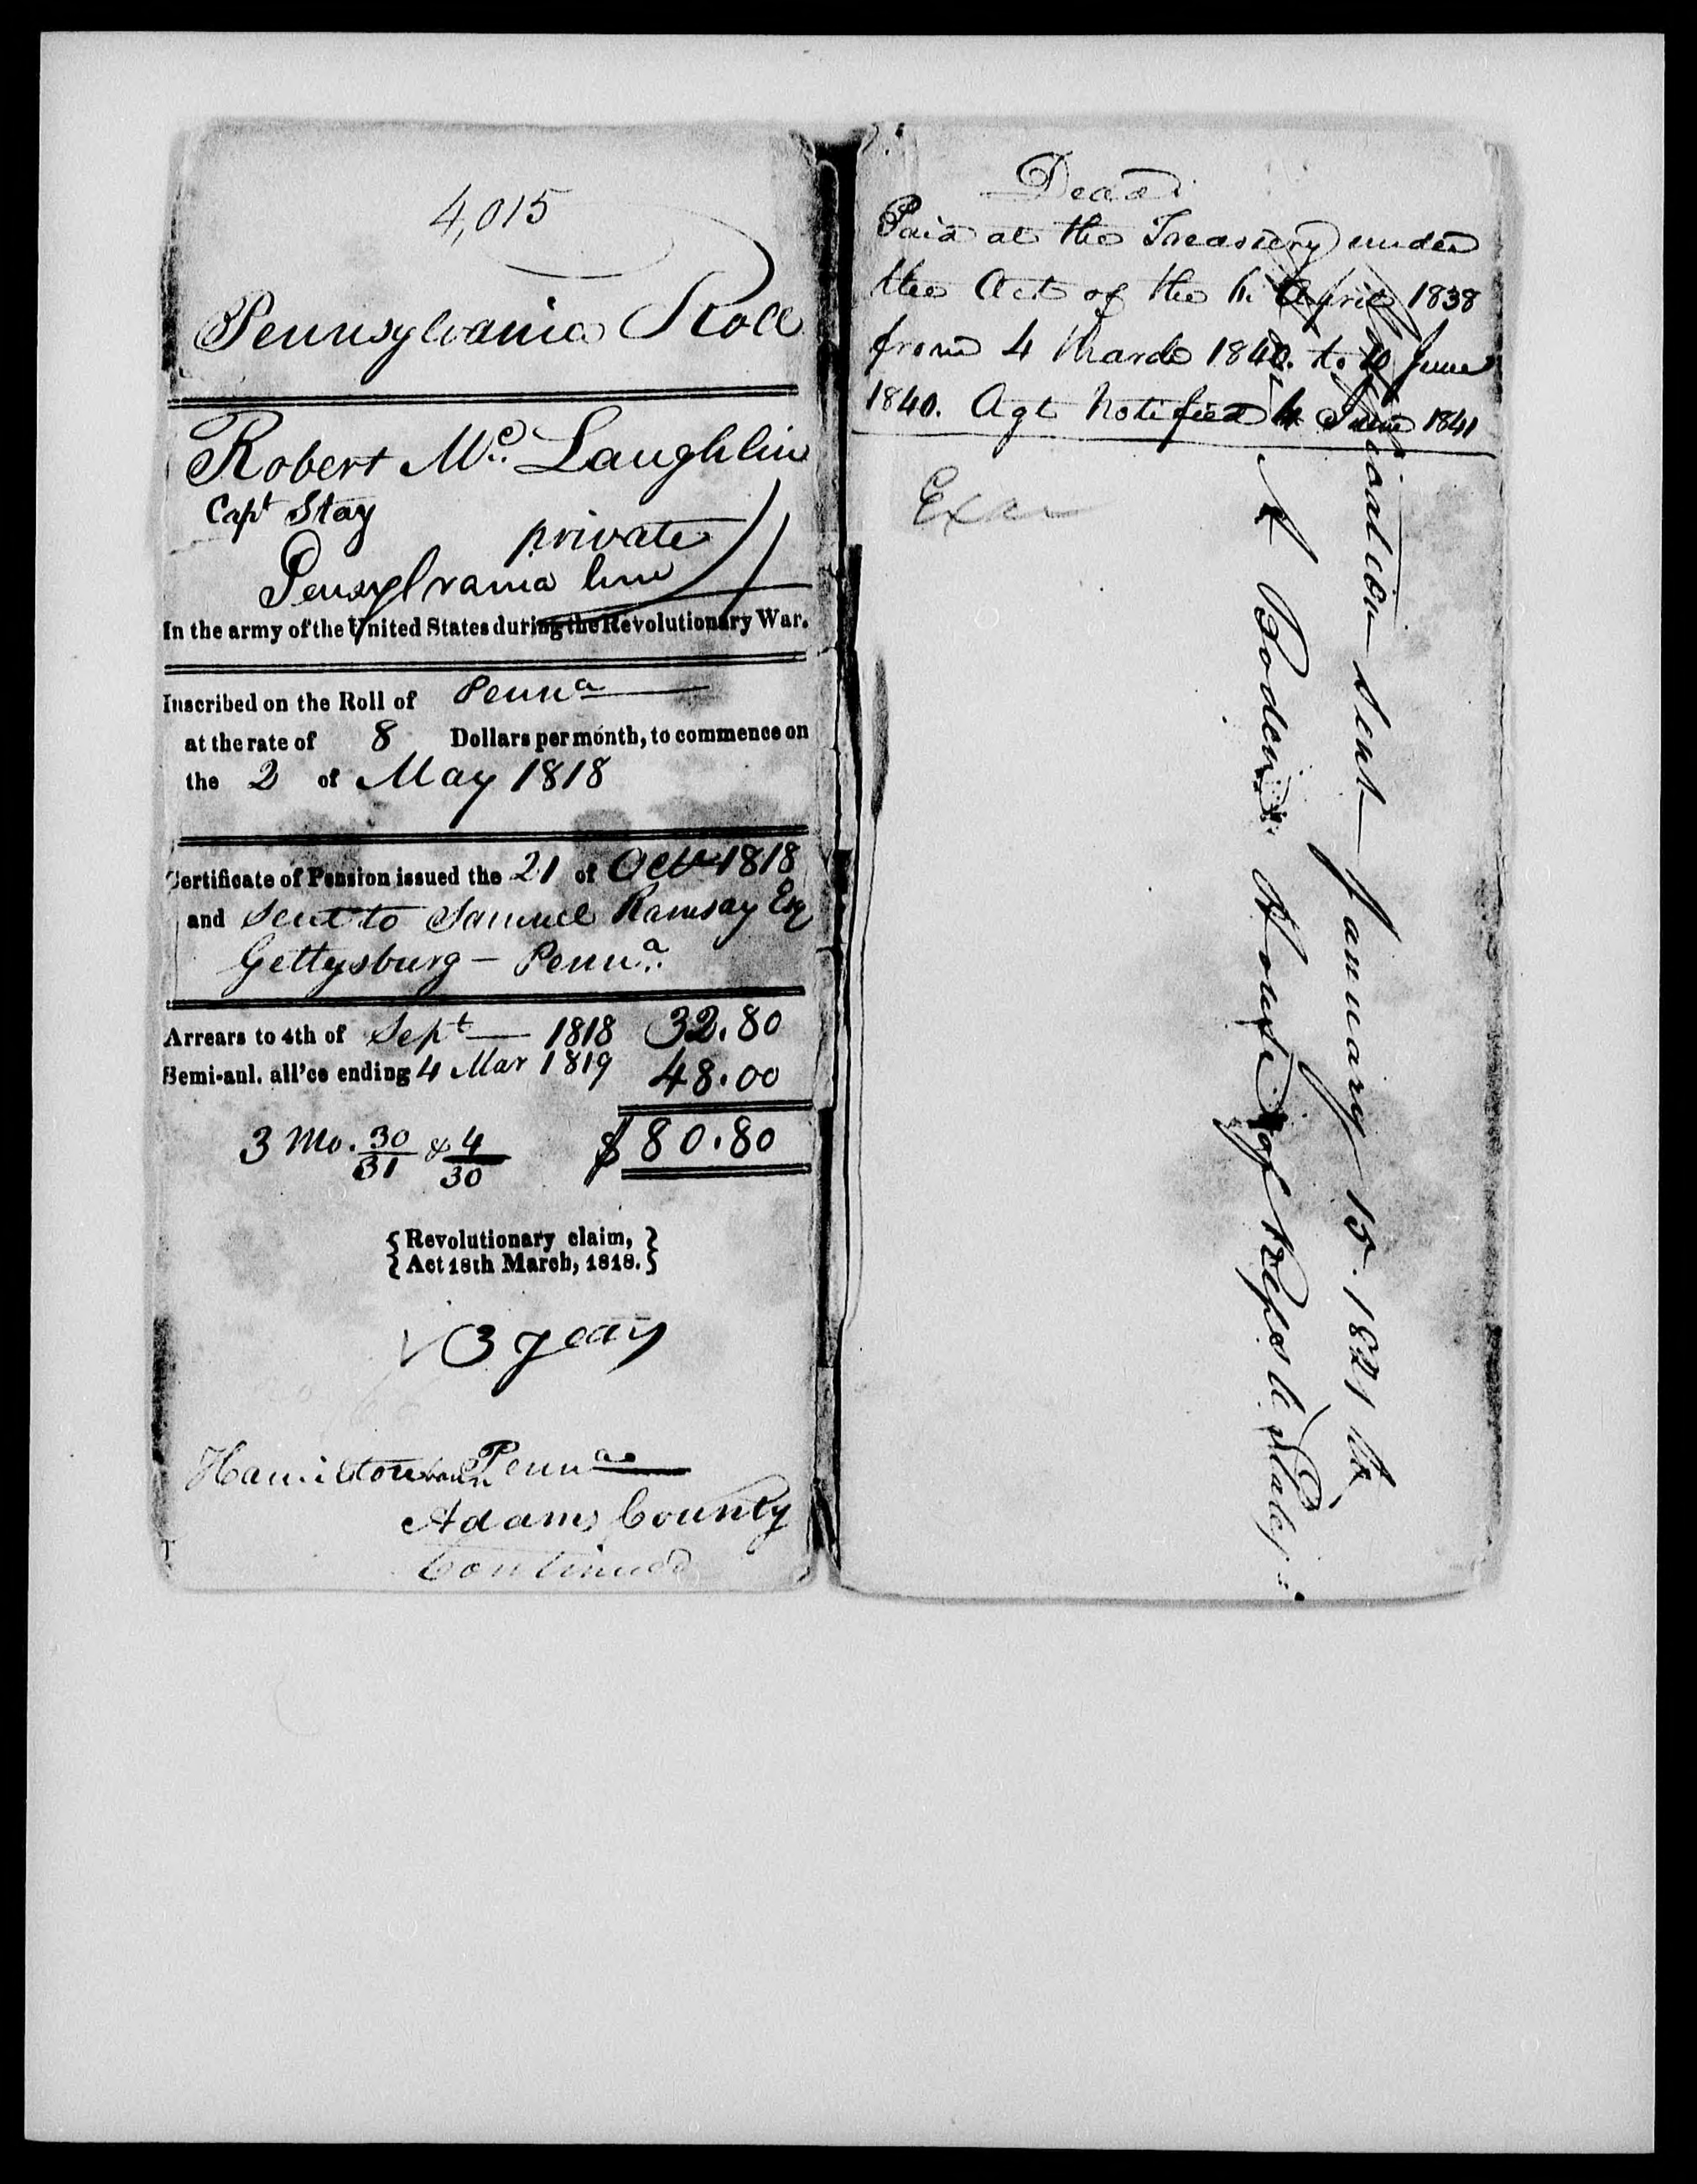{left side of document}
4,015
Pennsylvania Roll
Robert McLaughlin
Capt Stay
                  private
Pennsylvania line
In the army of the United States during the Revolutionary War.
__________________________________________________
Inscribed on the Roll of Penna_____________
at the rate of 8 Dollars per month, to commence on the 2 of May 1818   
___________________________________________________Certificate of Pension issued the 21 of October 1818 and sent to Samuel Ram
say Esq 
Gettysburg - Penna..
__________________________________________________
Arrears to 4th of       Sept____1818  32.80
Semi-anl. all'ce ending 4 Mar 1819 48.00
                                                        ________
              3 Mo.30/31 & 4/30          $80.80

Revolutionary claim,
Act 18th March, 1818

(check) 3 (illegible)
Hamiltonban Penna_____
Adams County
Continued

(right side of document}
Dead
Paid at the Treasury under
the Act of the 6 April 1838
from 4 March 1840 to 10 June
1840. Agt notified 6 June 1841

{right side vertical writing}
Notification Sent ' January 15. 1841 to
Hon. A Boden House of Representatives U. States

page: 2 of 19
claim: survivor's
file: S. 40,146, for Robert Mc Laughlin, Pennsylvania